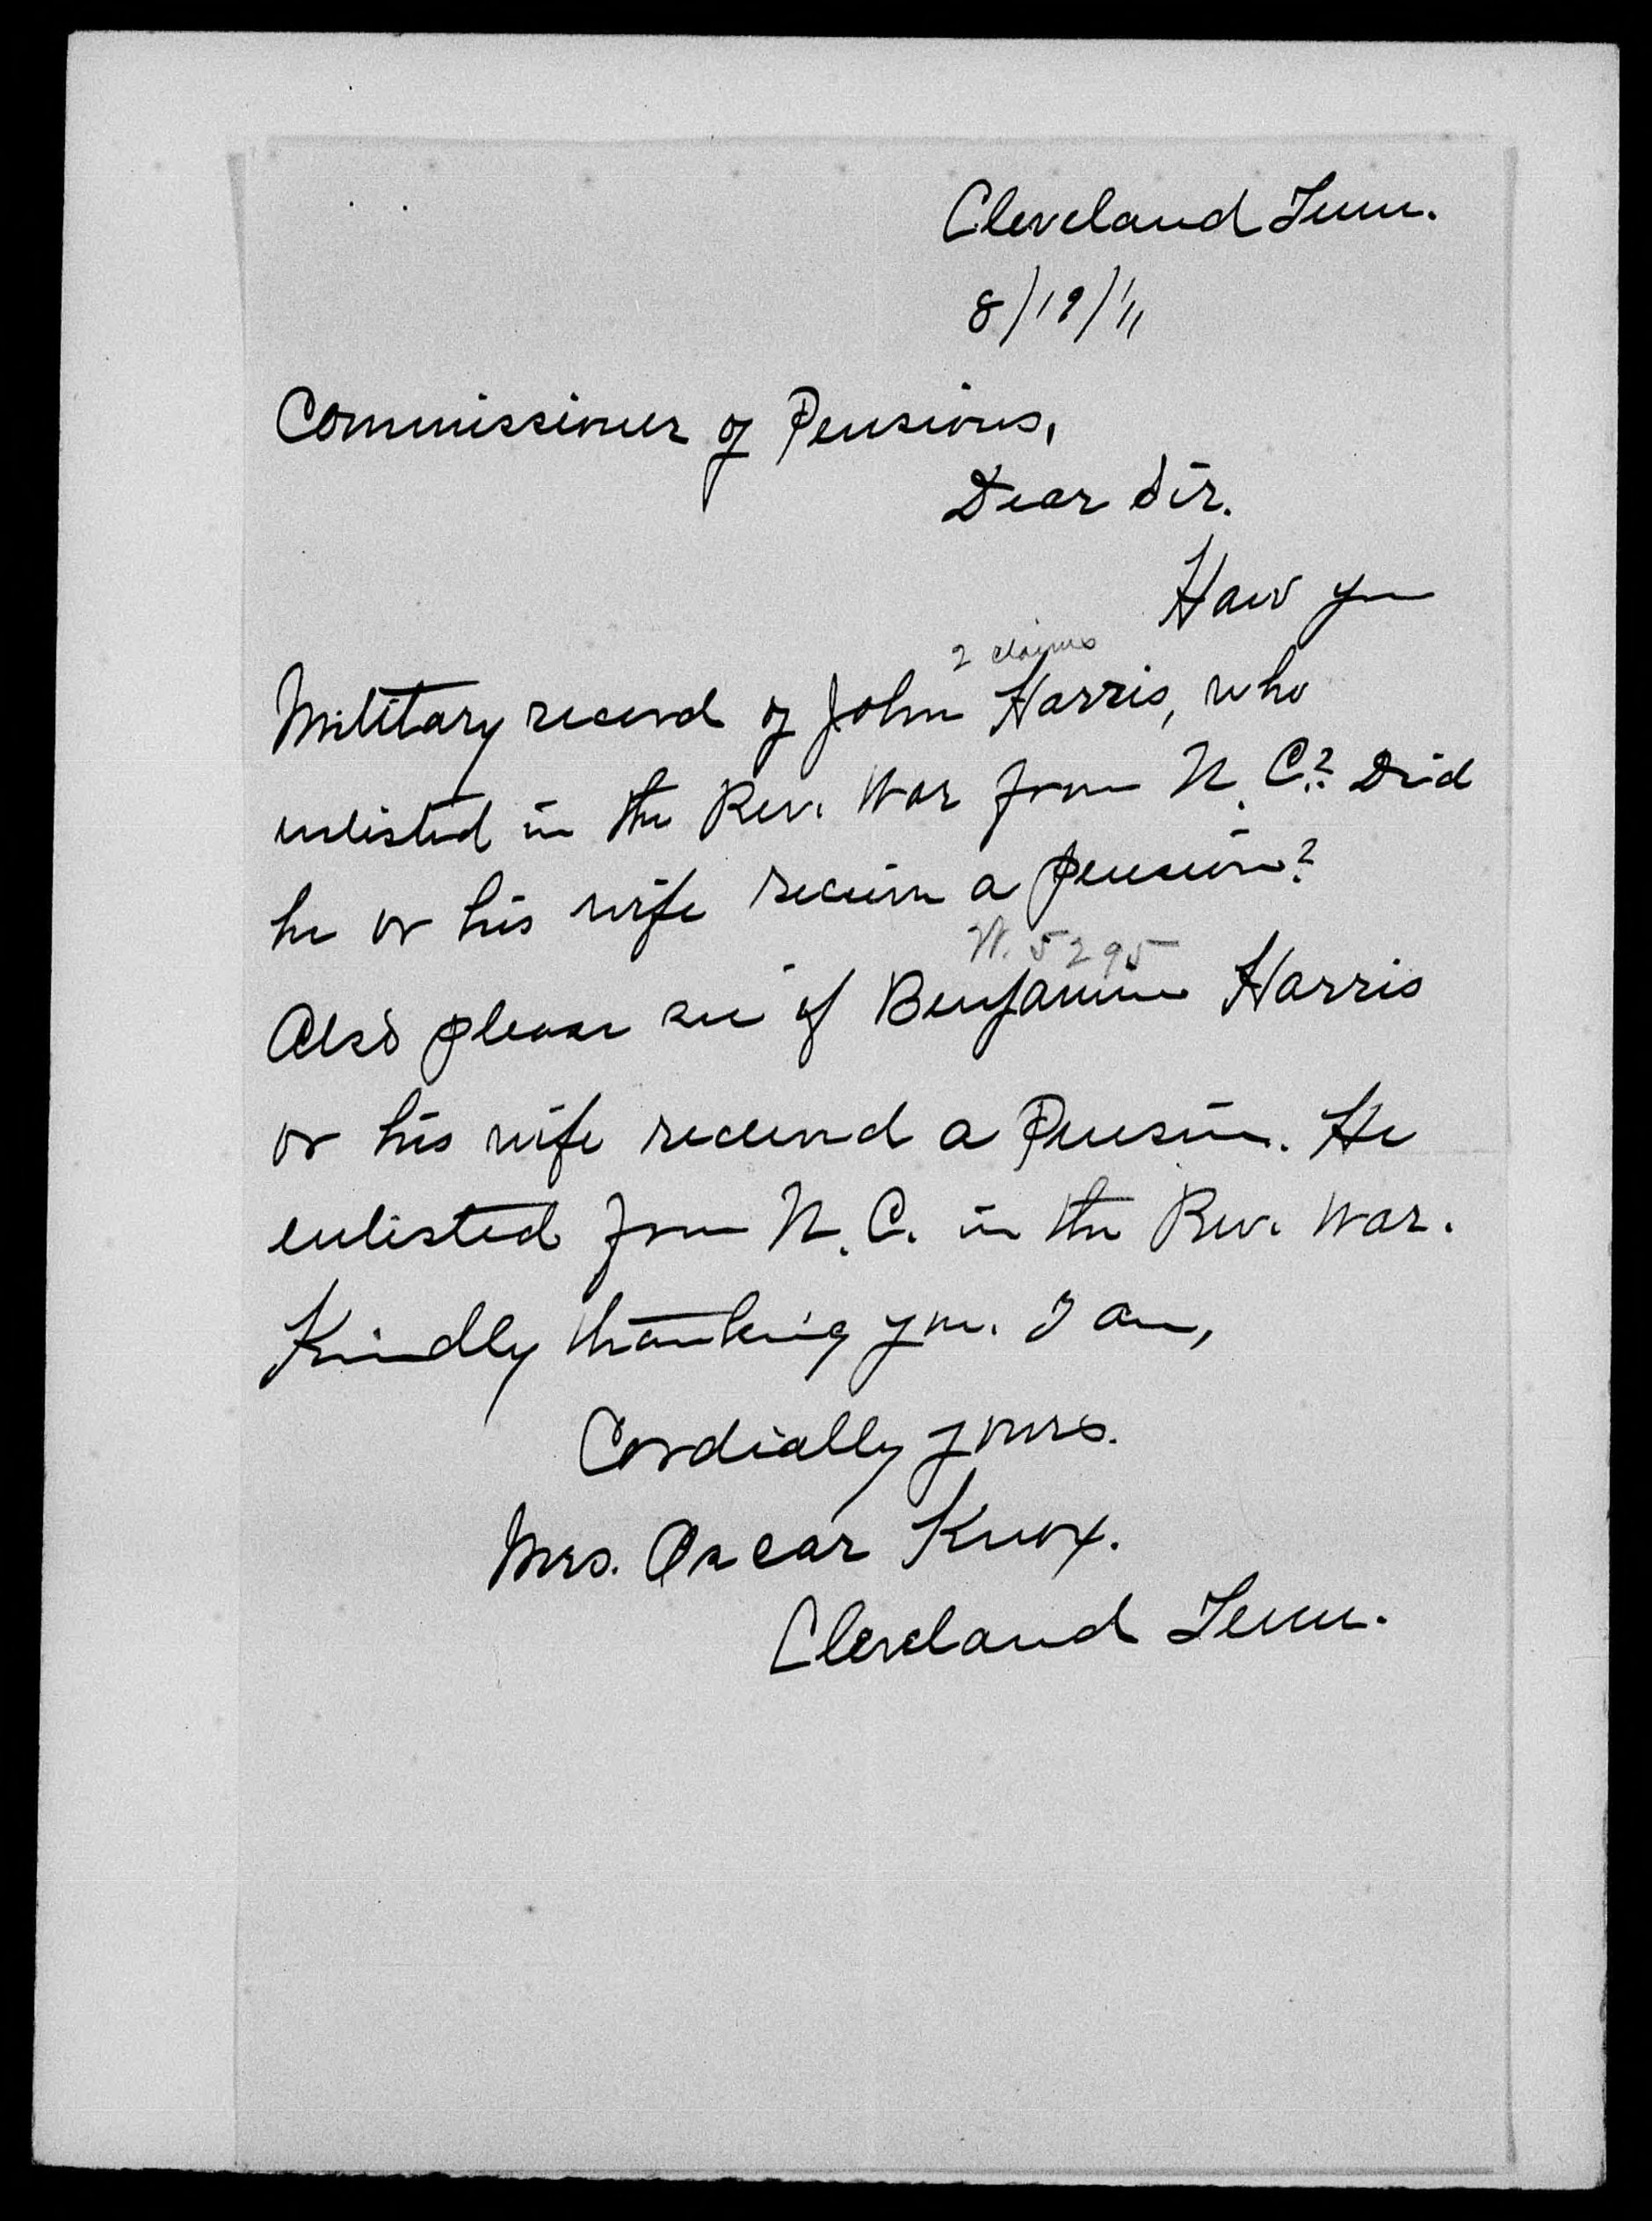Cleveland Tenn
8/19/11
Commissioner of Pensions,
Dear Sir.
Have you Military record of John 2 claims  Harris, who enlisted in the Rev. War from N.C.? Did he and his wife receive a pension. Also, please see if  Benjamin Harris W 5285 or his wife received a pension. He enlisted from N.C. in the Rev. war. Kindly thanking you. I am,
Cordially yours Mrs. Grear Knox
Cleveland Tenn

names: Oscar Knox, Benjamin Harris, John Harris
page: 62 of 62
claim: survivor's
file: S. 38816, Benjamin Harris, Mass.